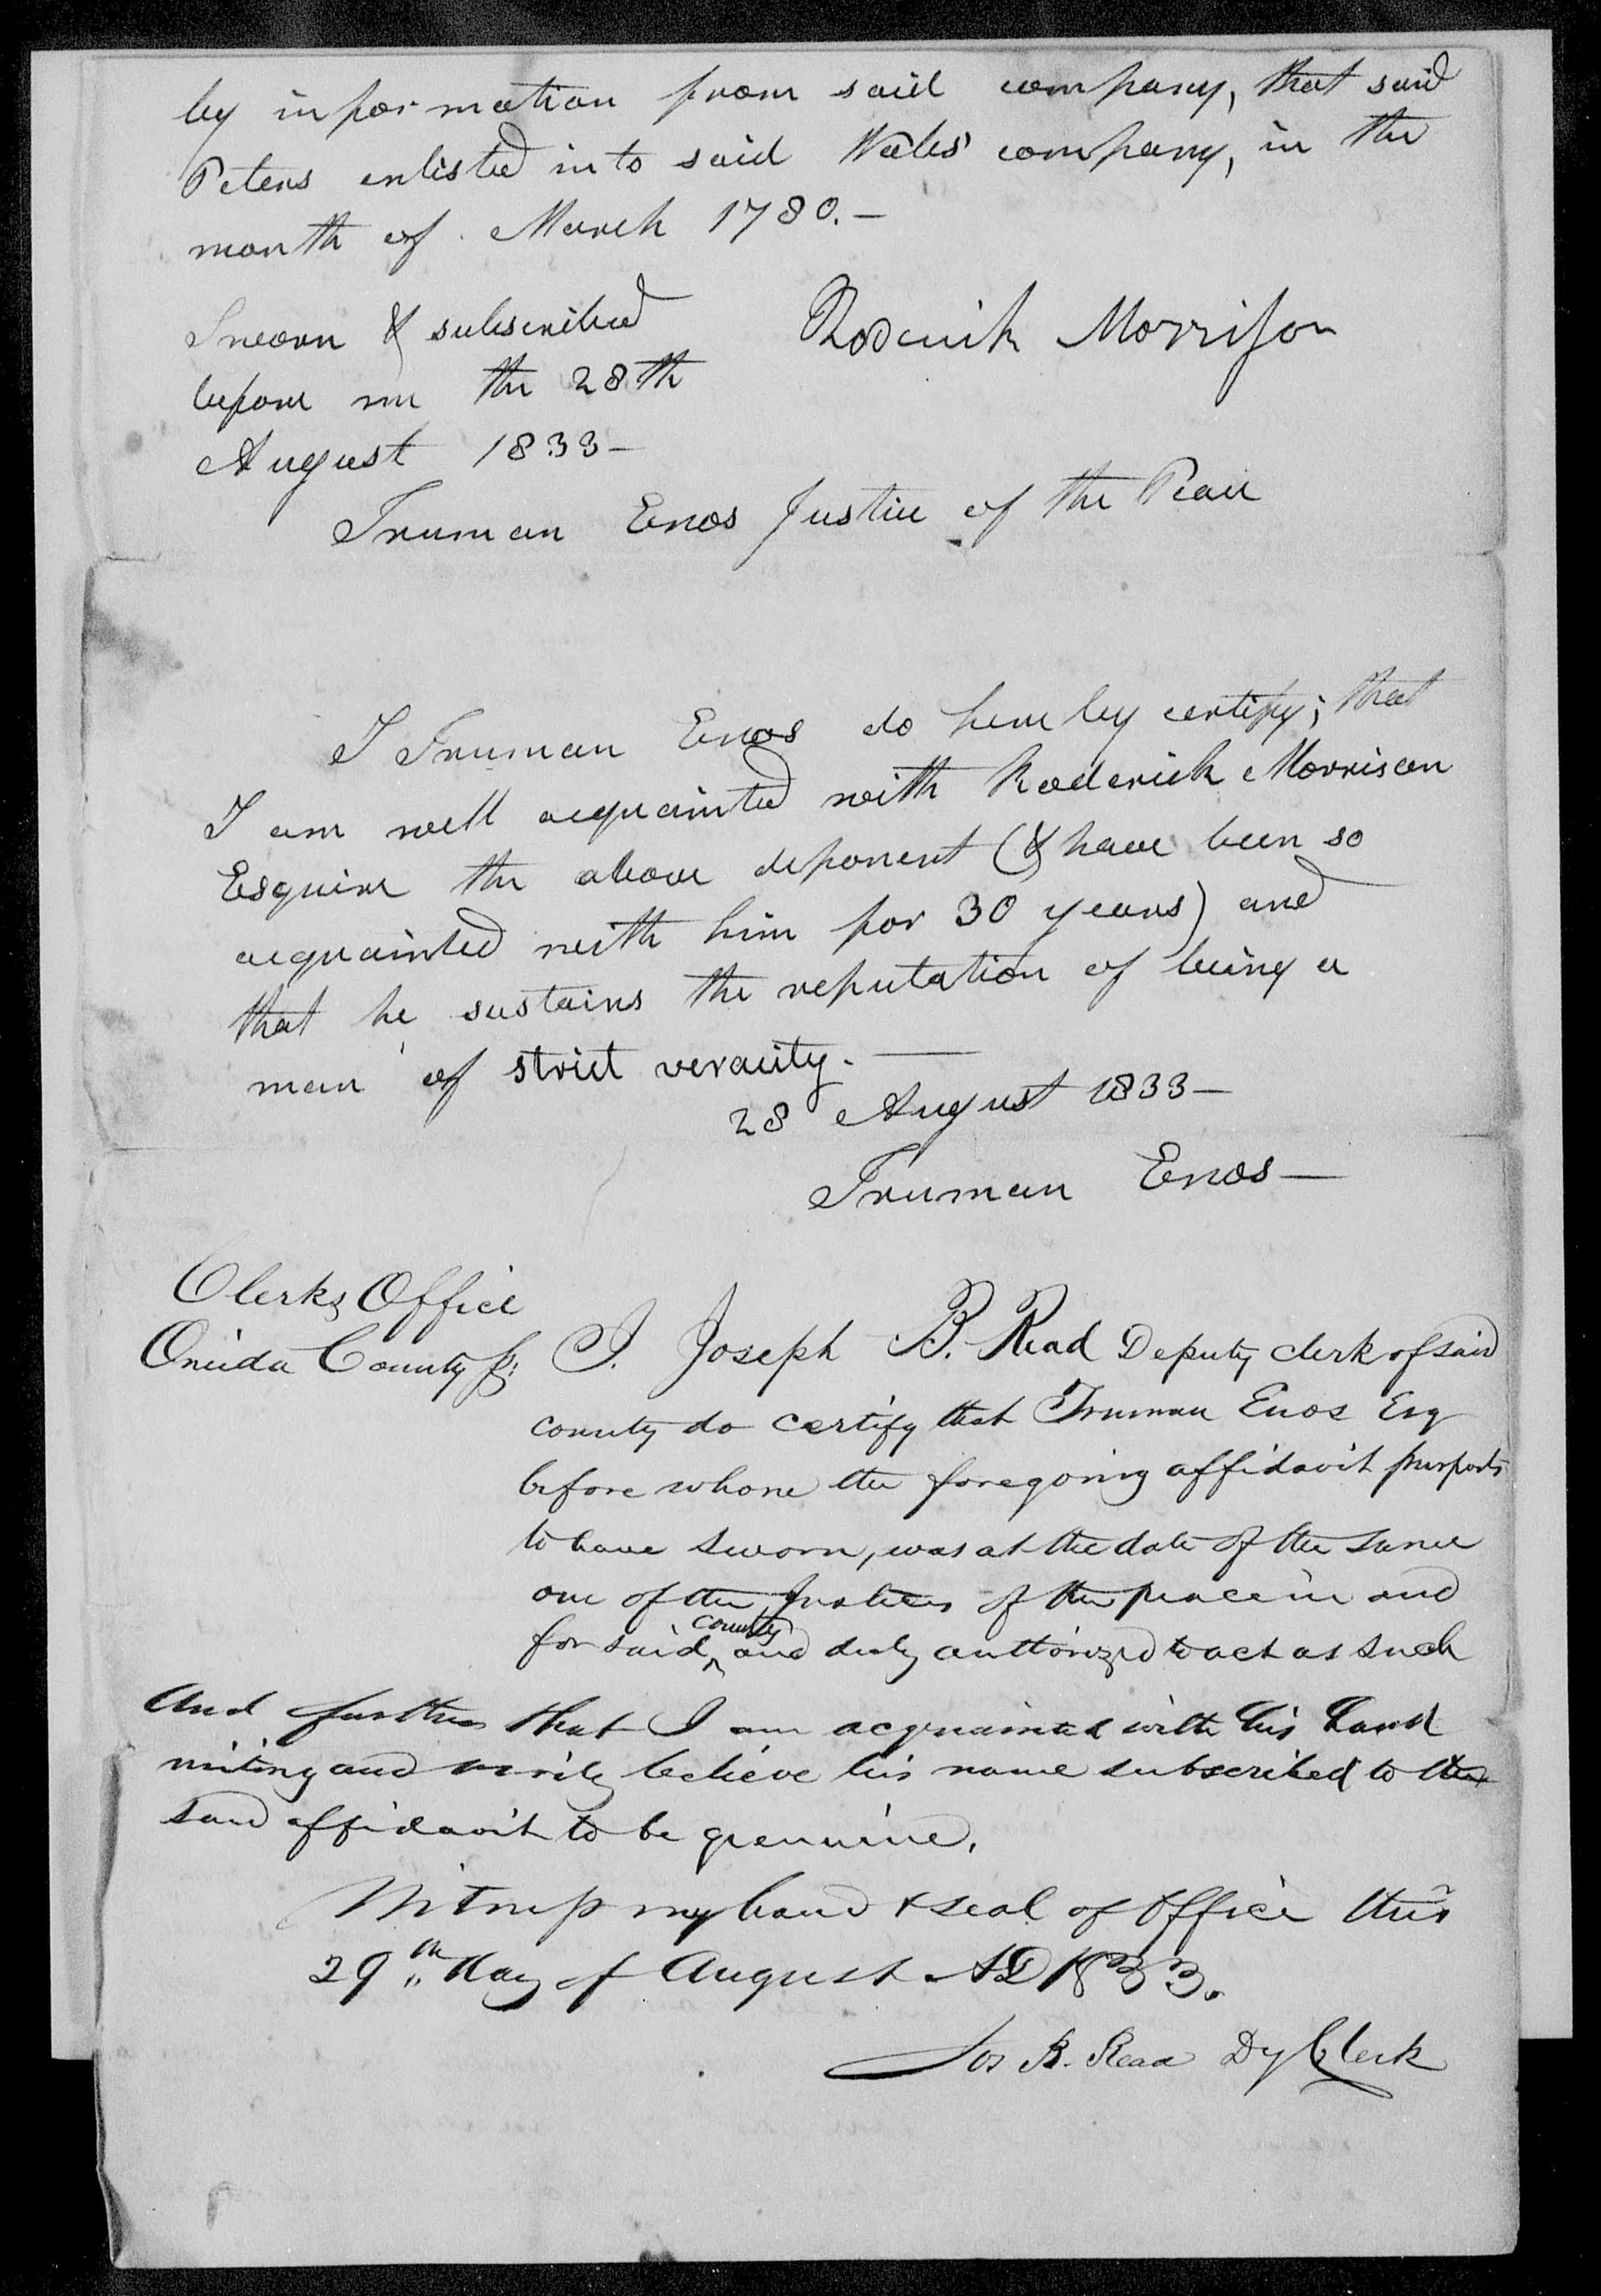by information from said company, that said Peters enlisted into said Wales' company, in the month of March 1780.
Roderick Morrison 
Sworn & subscribed before me the 28th Aug 1833 – 
Truman Enos Justice of the Peace 
I Truman Enos do herby certify that I am well acquainted with Roderick Morrison Esquire the above deponent (& have been so acquainted with him for 30 years) and that he sustains the reputation of being a man of strict veracity. 
23 August 1833- Truman Enos 
Clerks Office Oneida County I Joseph B. Read Deputy Clerk of said County do certify that Truman Enos Esq before whom the foregoing affidavit purports to have sworn, was at the date of the same one of the Justice of the peace and for said and duly authorized to act as such.  And further that I am acquainted with his hand writing and verily believe his name subscribed to the said affidavit to be genuine. 
Witness my hand & seal of Office this 29th day of August AD 1833. 
Jos B. Read Dy [deputy] Clerk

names: [BLANK] Peters; Freeman Enos; Joseph B Read; Roderick Morrison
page: 51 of 73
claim: widow's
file: W. 2338, for Joseph P Peters, Connecticut